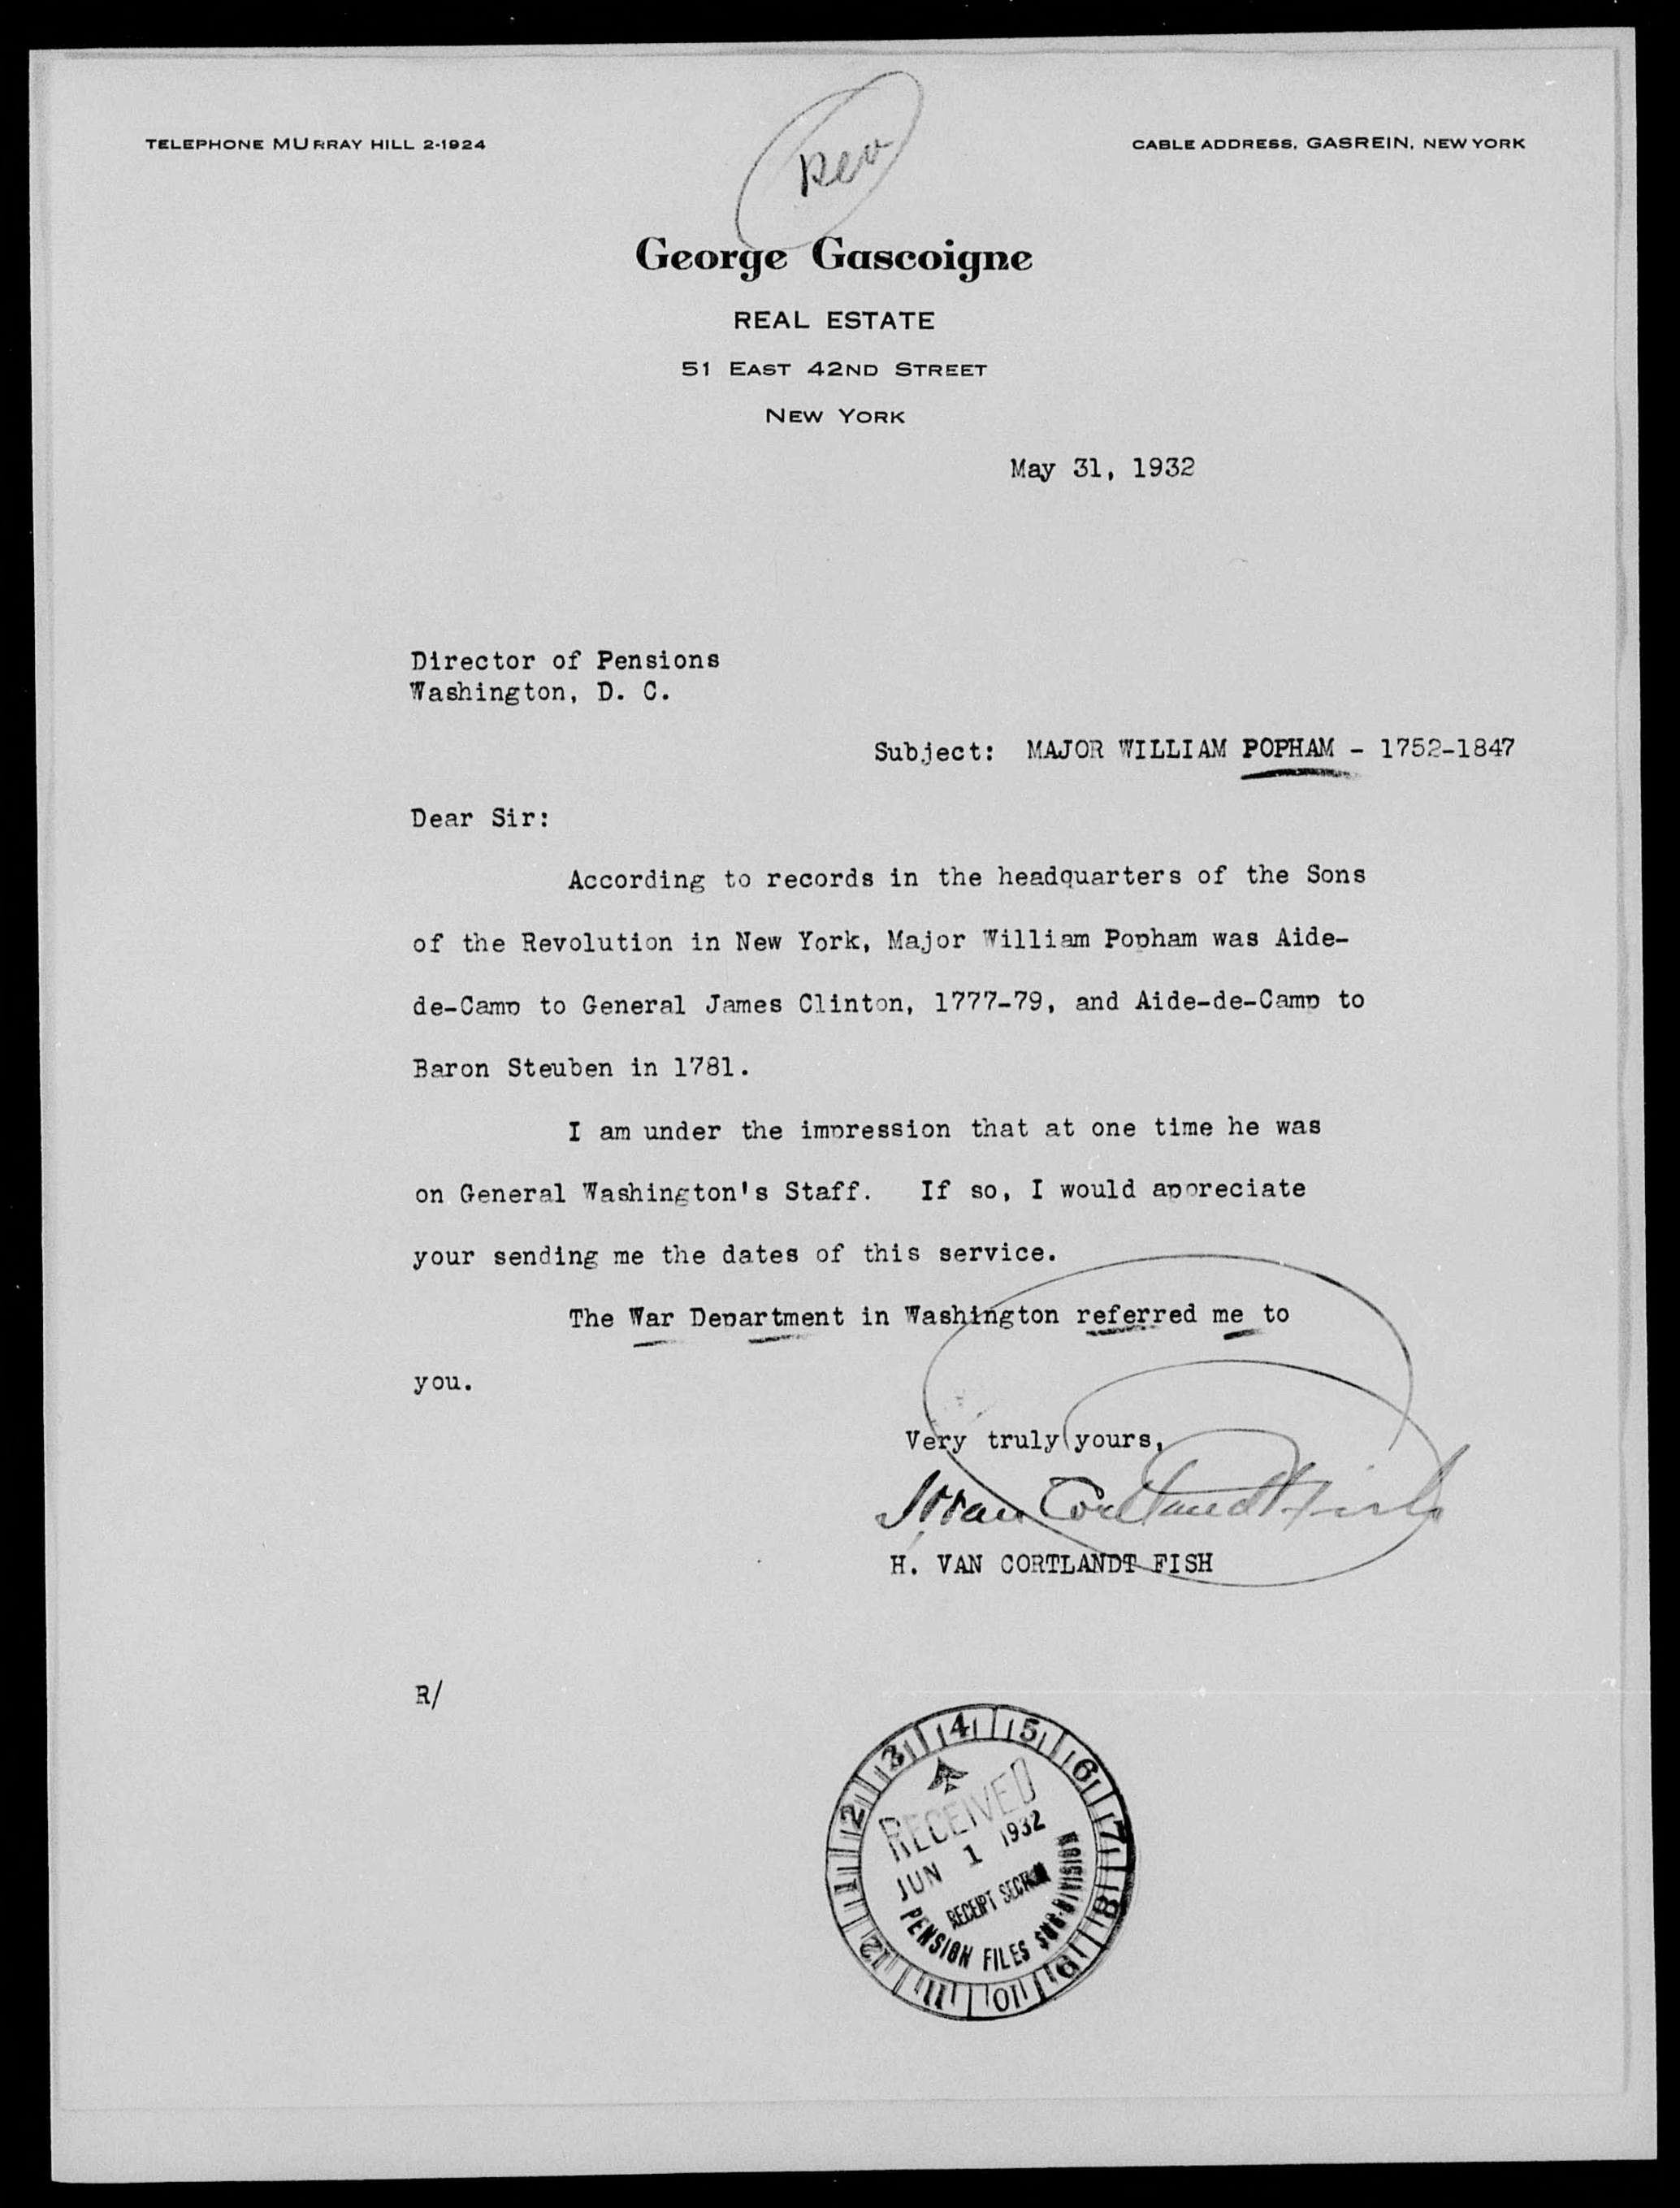TELEPHONE MURRAY HILL 2-1924
CABLE ADDRESS, GASREIN NEW YORK
(Circled) Rev
George Gascoigne
REAL ESTATE
51 EAST 42ND STREET
NEW YORK
May 31, 1932
Director of Pensions
Washington, D. C.
 Subject: MAJOR WILLIAM POPHAM - 1752 - 1847
Dear Sir:
According to records in the headquarters of the Sons
of the Revolution in New York, Major William Popham was Aide-de-Camp to General James Clinton, 1777 - 79, and Aide - de - Camp to
Baron Steuben in 1781.
I am under the impression that at one time he was
on General Washington's Staff. If so, I would appreciate
your sending me the dates of this service.
The War Department in Washington referred me to you.
Very truly yours
[Signature]
H. VAN CORTLANDT FISH
R /

[Black Stamp] RECEIVED JUN 1 1932 RECEIPT SECTION PENSION FILES SUB-DIVISION [Time arrow 3:35]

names: H Van Cortlandt Fish; William Popham; James Clinton; Baron Steuben; [BLANK] Washinton; George Gascoigne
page: 16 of 75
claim: survivor's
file: S. 9989, for William Popham, Delaware